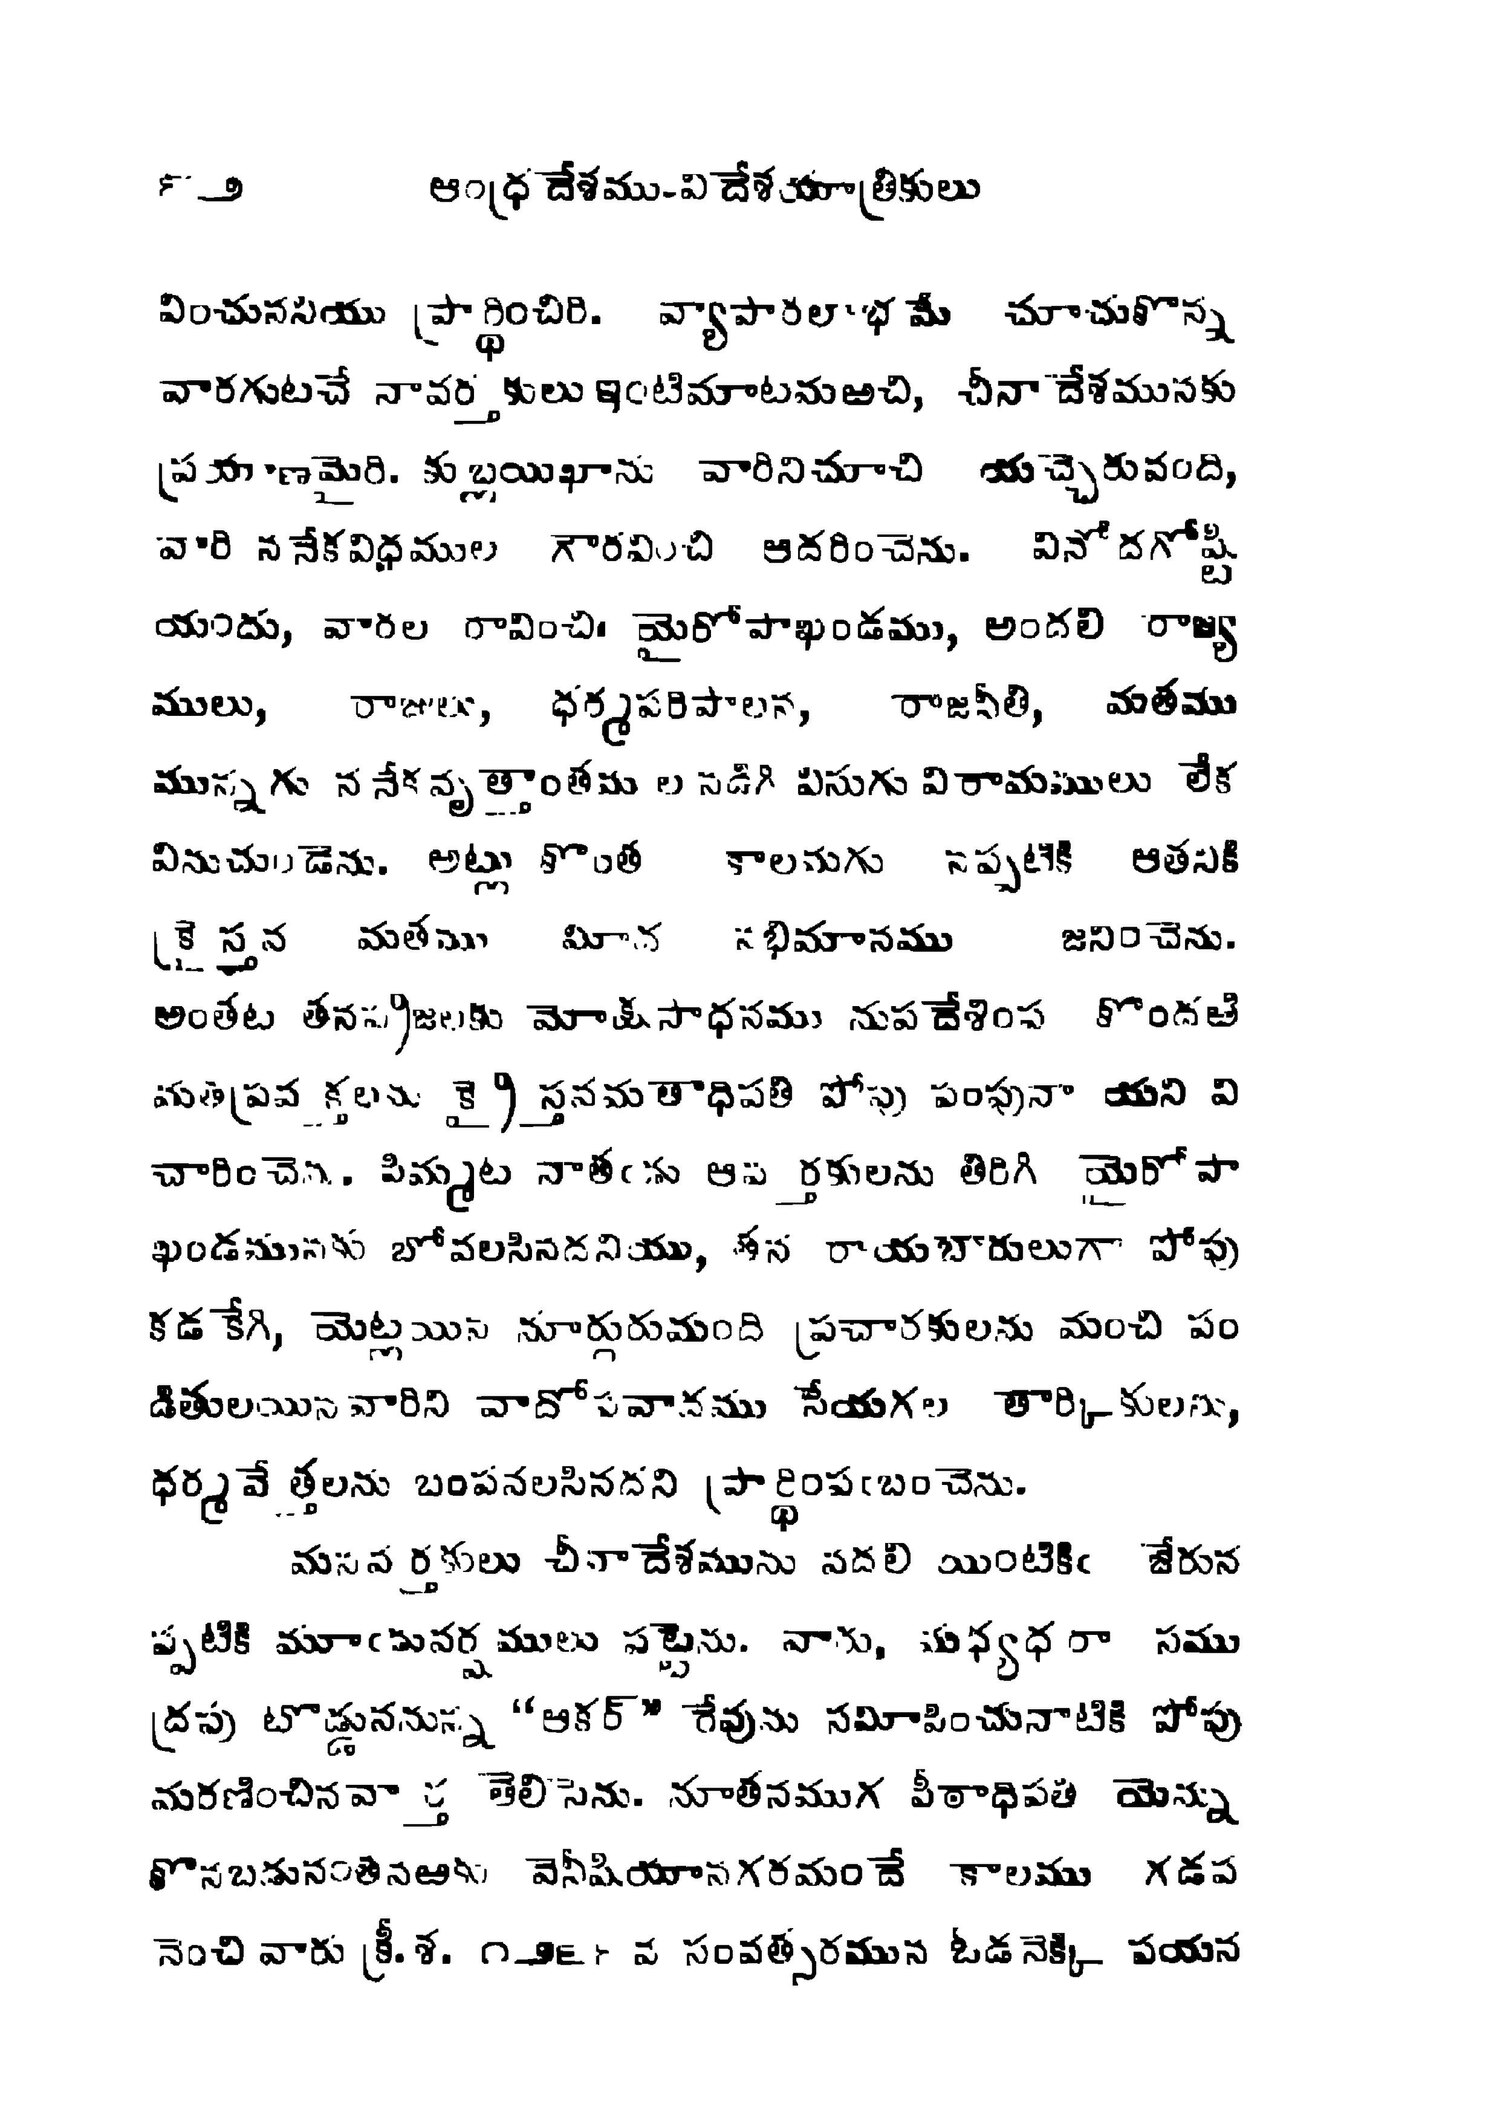వించుననియు ప్రార్థించిరి. వ్యాపారలాభమే చూచుకొన్న వారగుటచే నావర్తకులు ఇంటిమాటమఱచి, చీనా దేశమునకు ప్రయాణమైరి. కుబ్లయిఖాను వారిని చూచి యచ్చెరువంది, వారి ననేక విధముల గౌరవించి ఆదరించెను. వినోదగోష్ఠి యందు, వారల రావించి, యైరోపాఖండము, అందలి రాజ్యములు, రాజులు, ధర్మపరిపాలన, రాజనీతి, మతము మున్నగు ననేకవృత్తాంతమ ల నడిగి విసుగు విరామములు లేక వినుచుండెను. అట్లు కొంత కాలమగు నప్పటికి ఆతనికి క్రైస్తవ మతము మీద నభిమానము జనించెను. అంతట తనప్రజలకు మోక్షసాధనము నుపదేశింప కొందఱి మతప్రవక్తలను క్రైస్తవమతాధిపతి పోపు పంపునా యని విచారించెను. పిమ్మట నాతడు ఆవర్తకులను తిరిగి యైరోపాఖండమునకు బోవలసినదనియు, తన రాయబారులుగా పోపు కడ కేగి, యెట్లయిన నూర్గురుమంది ప్రచారకులను మంచి పండితులయిన వారిని వాదోపవాదము సేయగల తార్కికులను, ధర్మవేత్తలను బంపవలసినదని ప్రార్థింపబంచెను.

మనవర్తకులు చీనాదేశమును వదలి యింటికి జేరునప్పటికి మూడువర్షములు పట్టెను. వారు, మధ్యధరా సముద్రపు టొడ్డుననున్న "ఆకర్" రేవును సమీపించునాటికి పోపు మరణించినవార్త తెలిసెను. నూతనముగా పీఠాధిపతి యెన్నుకొనబడునంతవఱకు వెనీషియానగరమందే కాలము గడపనెంచి వారు క్రీ.శ. 1264 వ సంవత్సరమున ఓడనెక్కి పయన